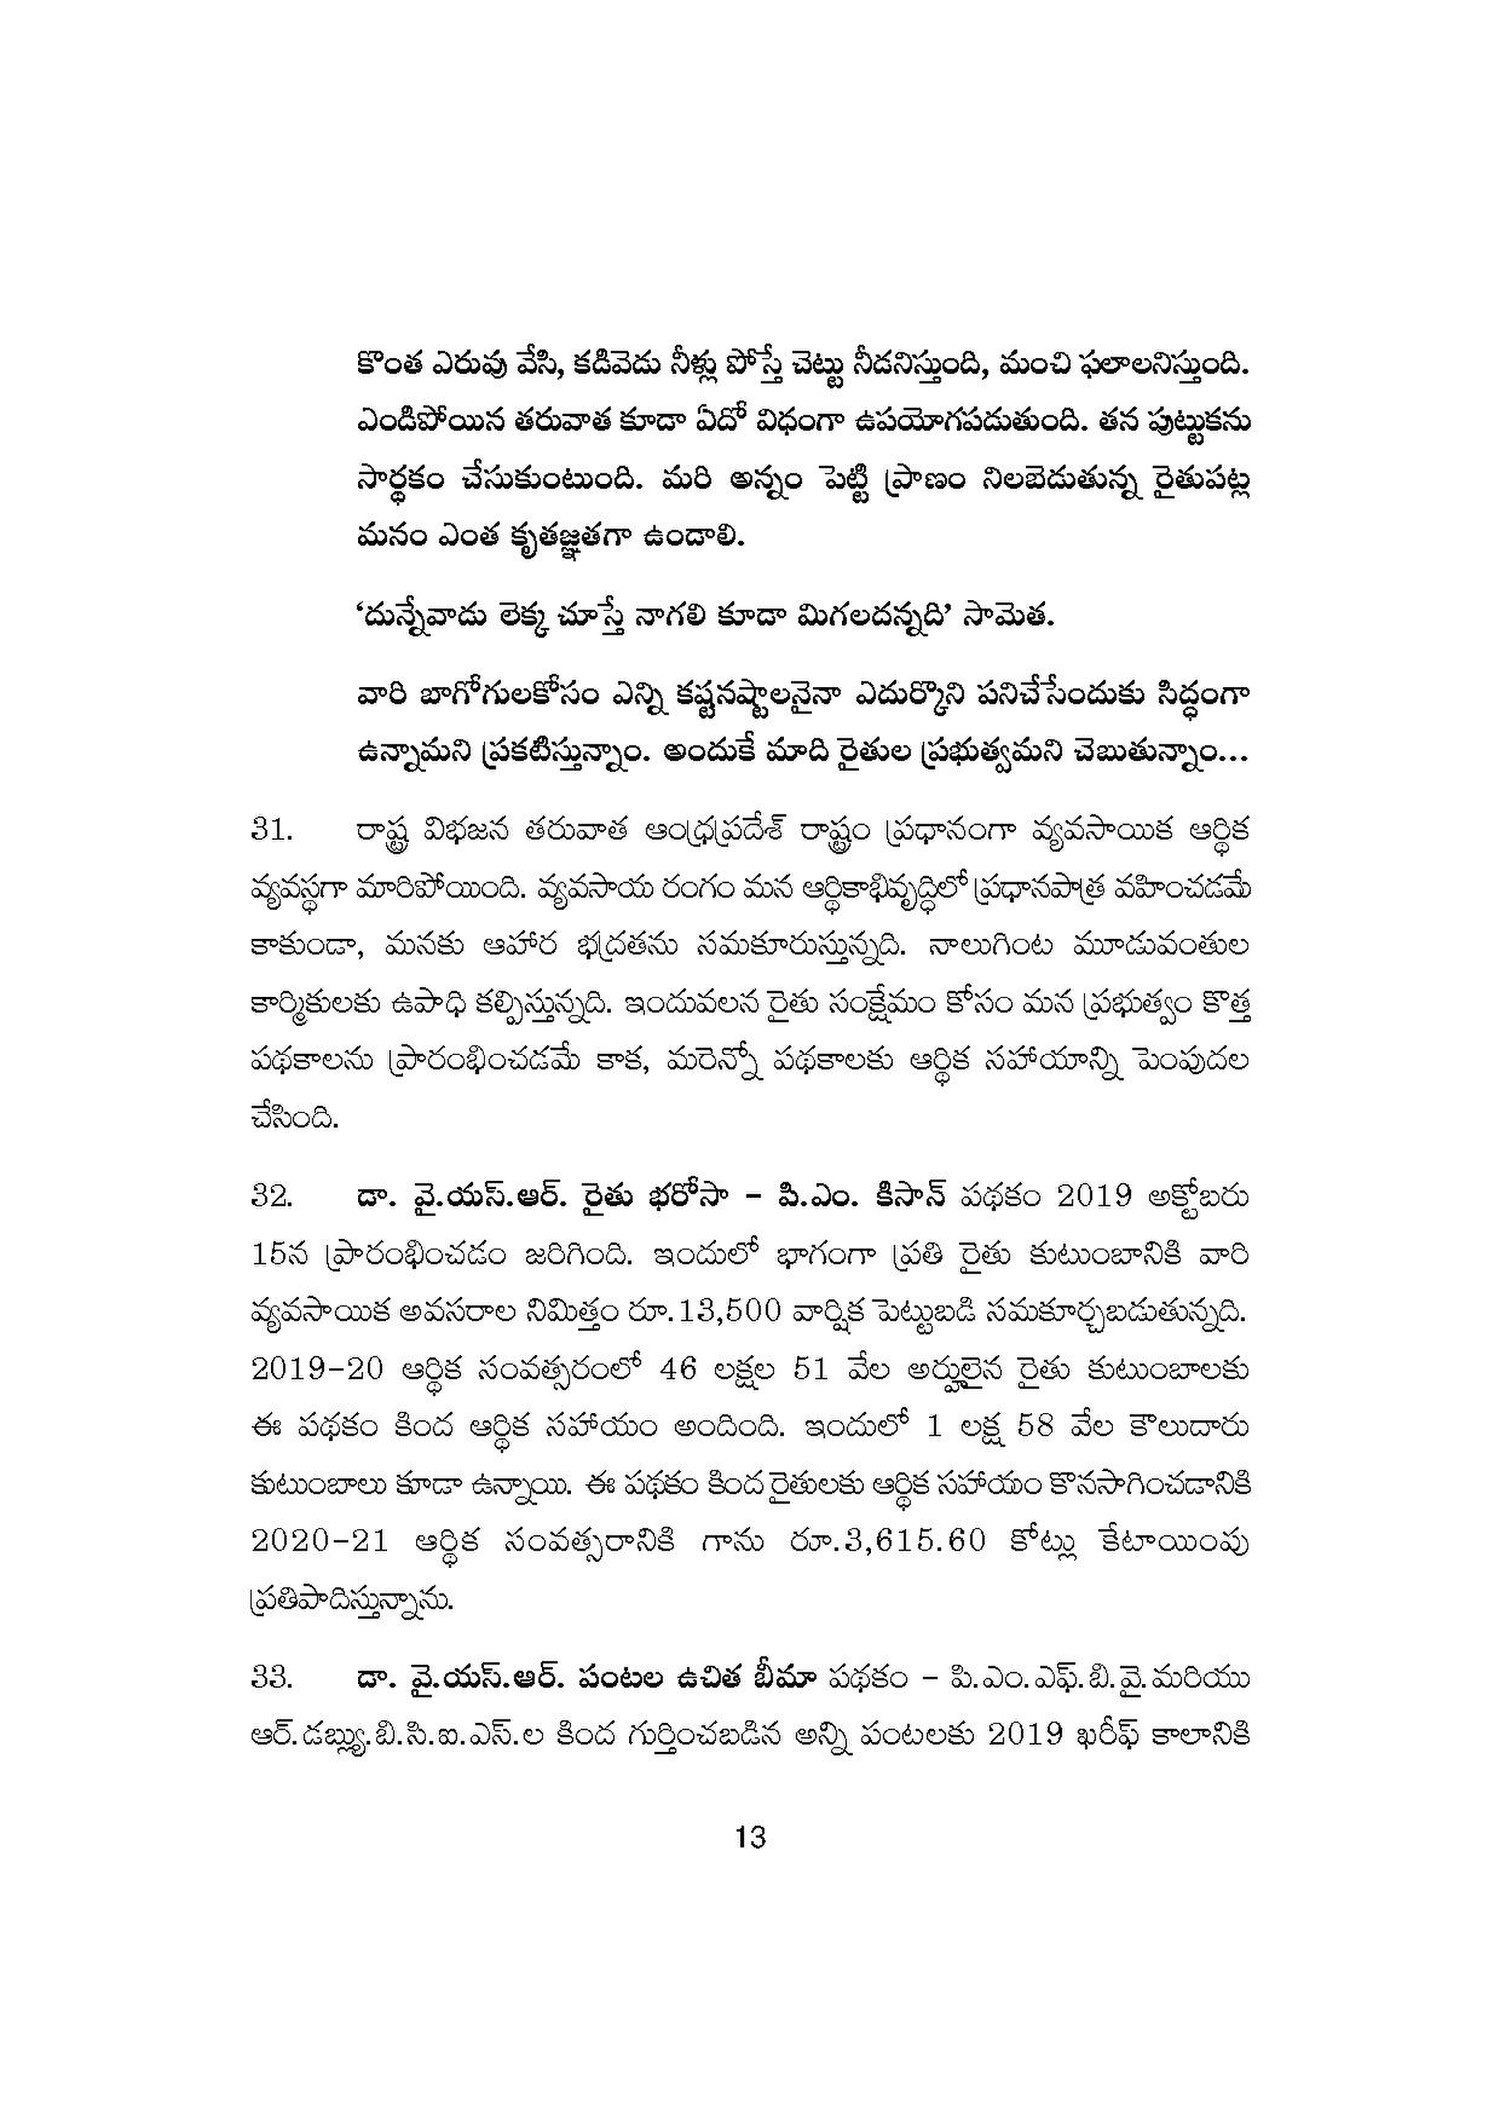కొంత ఎరువు వేసి, కడివెడు నీళ్లు పోస్తే చెట్టు నీడనిస్తుంది, మంచి ఫలాలనిస్తుంది. ఎండిపోయిన తరువాత కూడా ఏదో విధంగా ఉపయోగపడుతుంది. తన పుట్టుకను సార్థకం చేసుకుంటుంది. మరి అన్నం పెట్టి ప్రాణం నిలబెడుతున్న రైతుపట్ల మనం ఎంత కృతజ్ఞతగా ఉండాలి.

'దున్నేవాడు లెక్క చూస్తే నాగలి కూడా మిగలదన్నది' సామెత. 

వారి బాగోగులకోసం ఎన్ని కష్టనష్టాలనైనా ఎదుర్కొని పనిచేసేందుకు సిద్ధంగా ఉన్నామని ప్రకటిస్తున్నాం. అందుకే మాది రైతుల ప్రభుత్వమని చెబుతున్నాం...  
31. రాష్ట్ర విభజన తరువాత ఆంధ్రప్రదేశ్ రాష్ట్రం ప్రధానంగా వ్యవసాయిక ఆర్థిక వ్యవస్థగా మారిపోయింది. వ్యవసాయ రంగం మన ఆర్థికాభివృద్ధిలో ప్రధానపాత్ర వహించడమే కాకుండా, మనకు ఆహార భద్రతను సమకూరుస్తున్నది. నాలుగింట మూడువంతుల కార్మికులకు ఉపాధి కల్పిస్తున్నది. ఇందువలన రైతు సంక్షేమం కోసం మన ప్రభుత్వం కొత్త పథకాలను ప్రారంభించడమే కాక, మరెన్నో పథకాలకు ఆర్థిక సహాయాన్ని పెంపుదల చేసింది.

32. డా. వై.యస్.ఆర్. రైతు భరోసా - పి.ఎం. కిసాన్ పథకం 2019 అక్టోబరు 15న ప్రారంభించడం జరిగింది. ఇందులో భాగంగా ప్రతి రైతు కుటుంబానికి వారి వ్యవసాయిక అవసరాల నిమిత్తం రూ.13,500 వార్షిక పెట్టుబడి సమకూర్చబడుతున్నది. 2019-20 ఆర్థిక సంవత్సరంలో 46 లక్షల 51 వేల అర్హులైన రైతు కుటుంబాలకు ఈ పథకం కింద ఆర్థిక సహాయం అందింది. ఇందులో 1 లక్ష 58 వేల కౌలుదారు కుటుంబాలు కూడా ఉన్నాయి. ఈ పథకం కింద రైతులకు ఆర్థిక సహాయం కొనసాగించడానికి 2020-21 ఆర్థిక సంవత్సరానికి గాను రూ.3,615.60 కోట్లు కేటాయింపు ప్రతిపాదిస్తున్నాను. 

33. డా. వై.యస్.ఆర్. పంటల ఉచిత బీమా పథకం - పి.ఎం.ఎఫ్. బి.వై.మరియు ఆర్.డబ్ల్యు. బి.సి.ఐ.ఎస్.ల కింద గుర్తించబడిన అన్ని పంటలకు 2019 ఖరీఫ్ కాలానికి